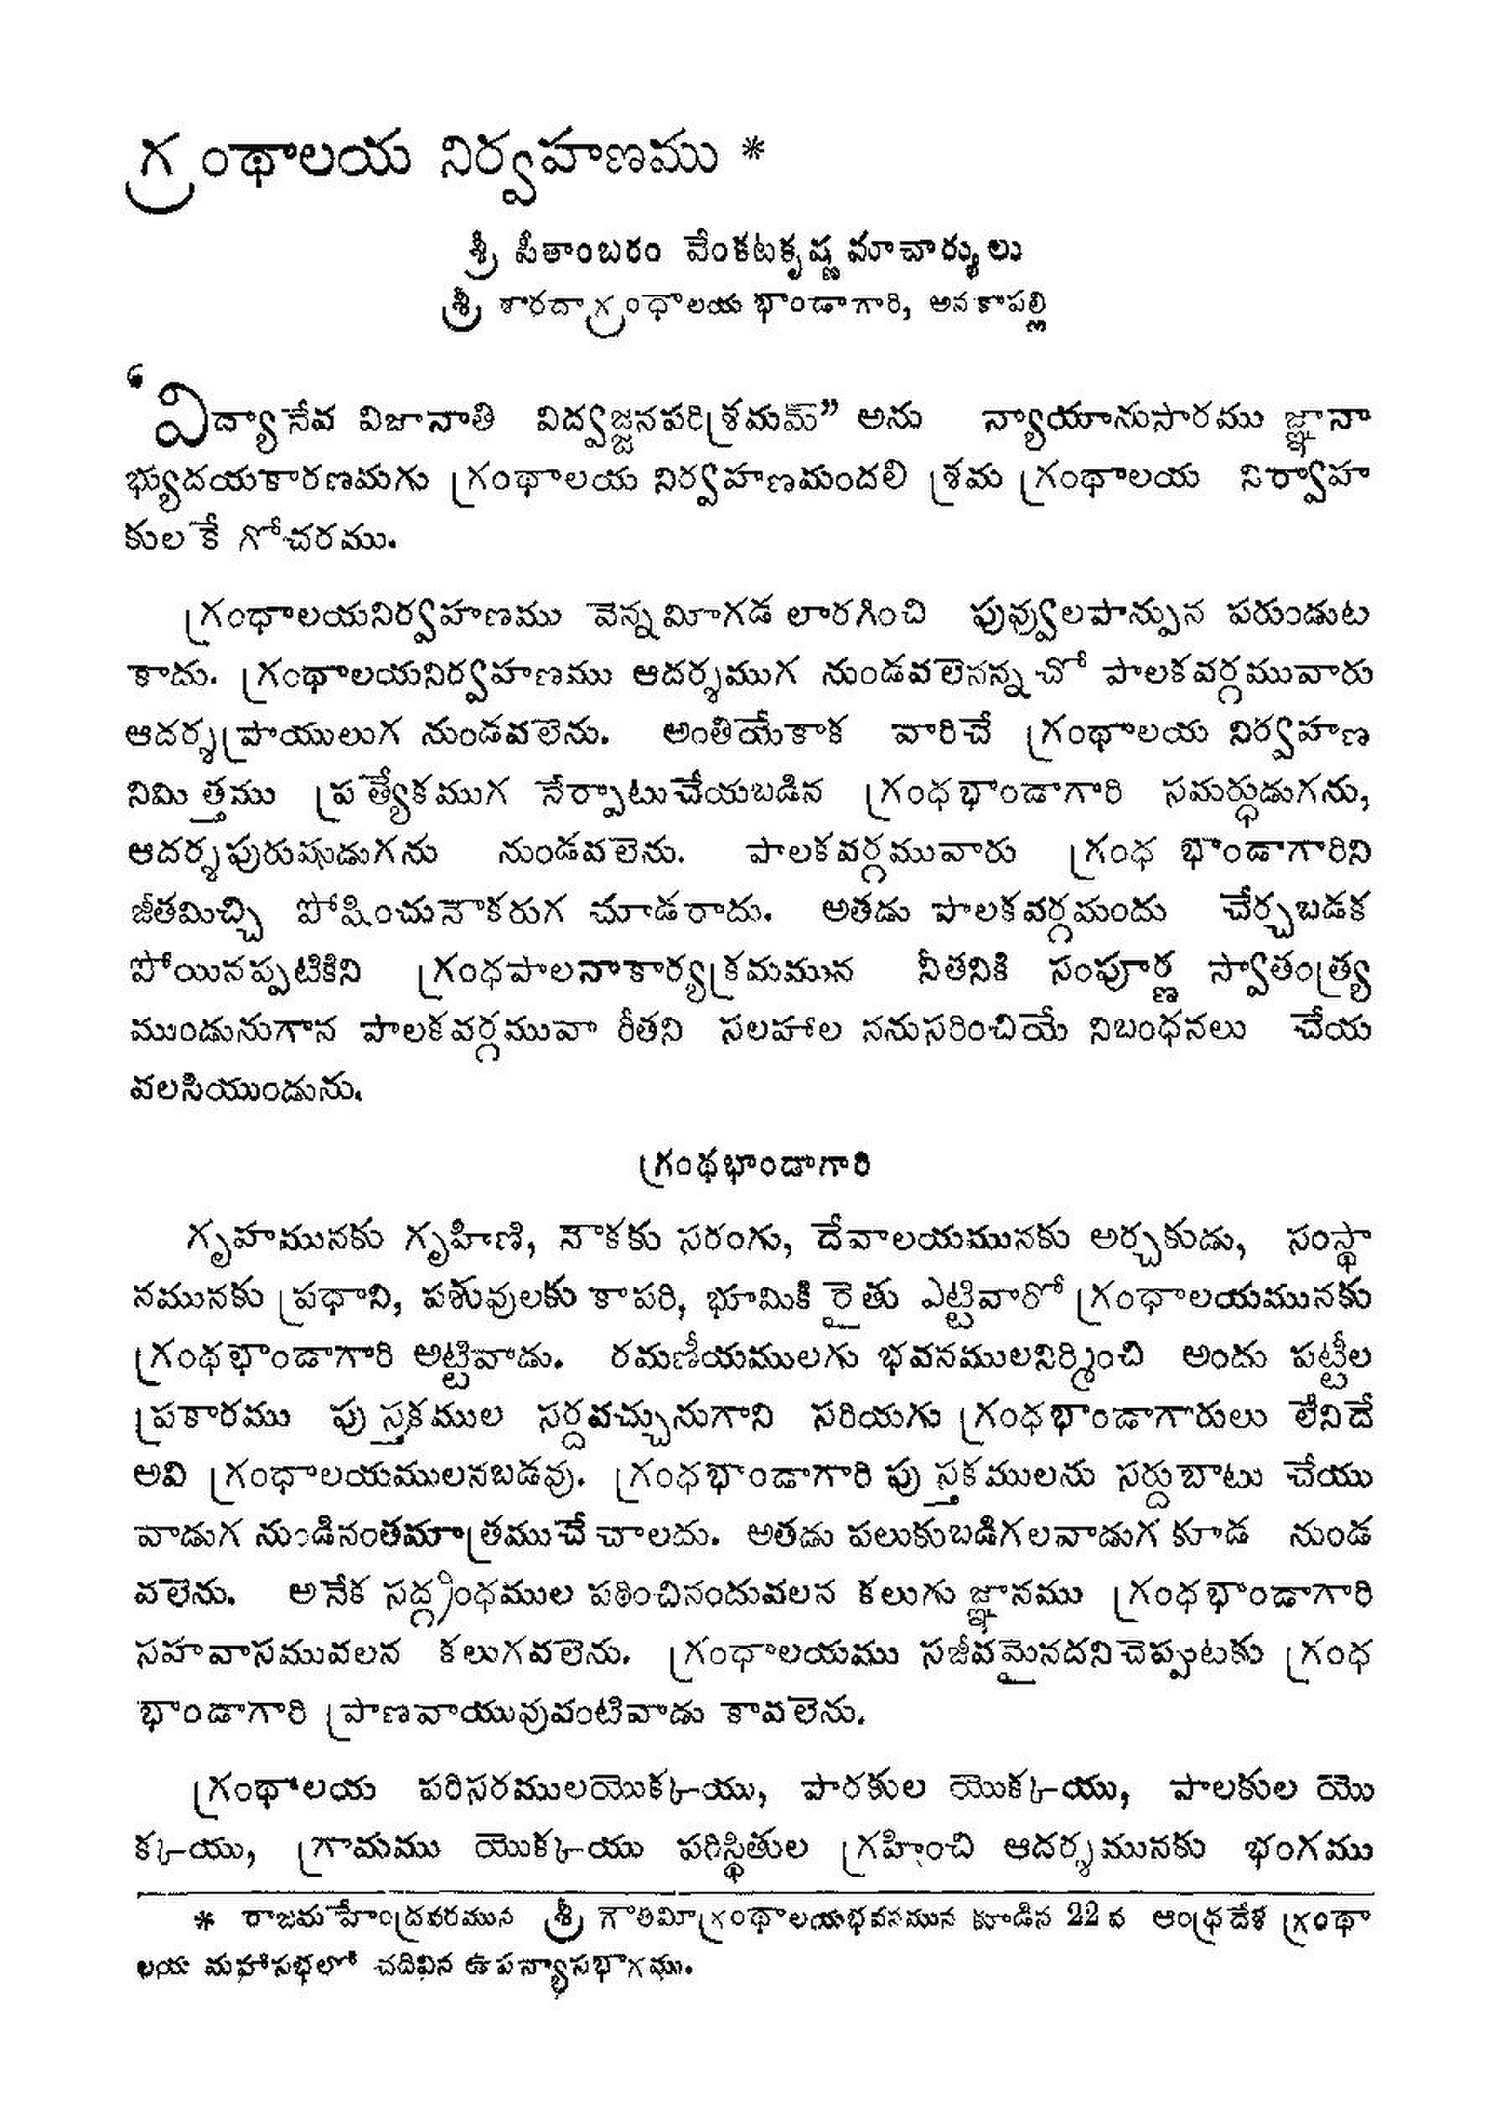గ్రంథాలయ నిర్వహణము*

"విద్యాసేవ విజానాతి విద్వజ్జనపరిశ్రమమ్” అను న్యాయానుసారము జ్ఞానాభ్యుదయకారణమగు గ్రంథాలయ నిర్వహణమందలి శ్రమ గ్రంథాలయ నిర్వాహకులకే గోచరము.

గ్రంధాలయనిర్వహణము వెన్నమీగడ లారగించి పువ్వులపాన్పున పరుండుట కాదు. గ్రంథాలయనిర్వహణము ఆదర్శముగ 
నుండవలెనన్నచో పాలకవర్గము వారు ఆదర్శప్రాయులుగ నుండవలెను. అంతియేకాక వారిచే గ్రంథాలయ నిర్వహణ
నిమిత్తము ప్రత్యేకముగ నేర్పాటుచేయబడిన గ్రంధభాండాగారి సమర్ధుడుగను, ఆదర్శపురుషుడుగను నుండవలెను. 
పాలకవర్గమువారు గ్రంధ భాండాగారిని జీతమిచ్చి పోషించునౌకరుగ చూడరాదు. అతడు పాలకవర్గమందు చేర్చబడక
పోయినప్పటికిని గ్రంధపాలనా కార్యక్రమమున నీతనికి సంపూర్ణ స్వాతంత్య్రముండునుగాన పాలకవర్గమువా రీతని సలహాల 
ననుసరించియే నిబంధనలు చేయవలసియుండును.

గృహమునకు గృహిణి, నౌకకు సరంగు, దేవాలయమునకు అర్చకుడు, సంస్థానమునకు ప్రధాని, పశువులకు కాపరి, 
భూమికి రైతు ఎట్టివారో గ్రంధాలయమునకు గ్రంథభాండాగారీ అట్టివాడు. రమణీయములగు భవనములనిర్మించి అందు 
పట్టీల ప్రకారము పుస్తకములు సర్దవచ్చును గాని సరియగు గ్రంథభాండాగారులు లేనిదే అవి గ్రంధాలయములనబడవు. 
గ్రంథభాండాగారి పుస్తకములను సర్దుబాటు చేయువాడుగ నుండినంతమాత్రముచే చాలదు. అతడు పలుకుబడిగలవాడుగ 
కూడ నుండవలెను. అనేక సద్గ్రంధముల పఠించినందువలన కలుగు జ్ఞానము గ్రంధభాండాగారి సహవాసమువలన 
కలుగవలెను. గ్రంధాలయము సజీవమైనదని చెప్పుటకు గ్రంధభాండాగారి ప్రాణవాయువువంటివాడు కావలెను.

గ్రంథాలయ పరిసరములయొక్కయు, పాఠకుల యొక్కయు, పాలకుల యొక్కయు, గ్రామము యొక్కయు పరిస్థితులు గ్రహించి ఆదర్శమునకు భంగము